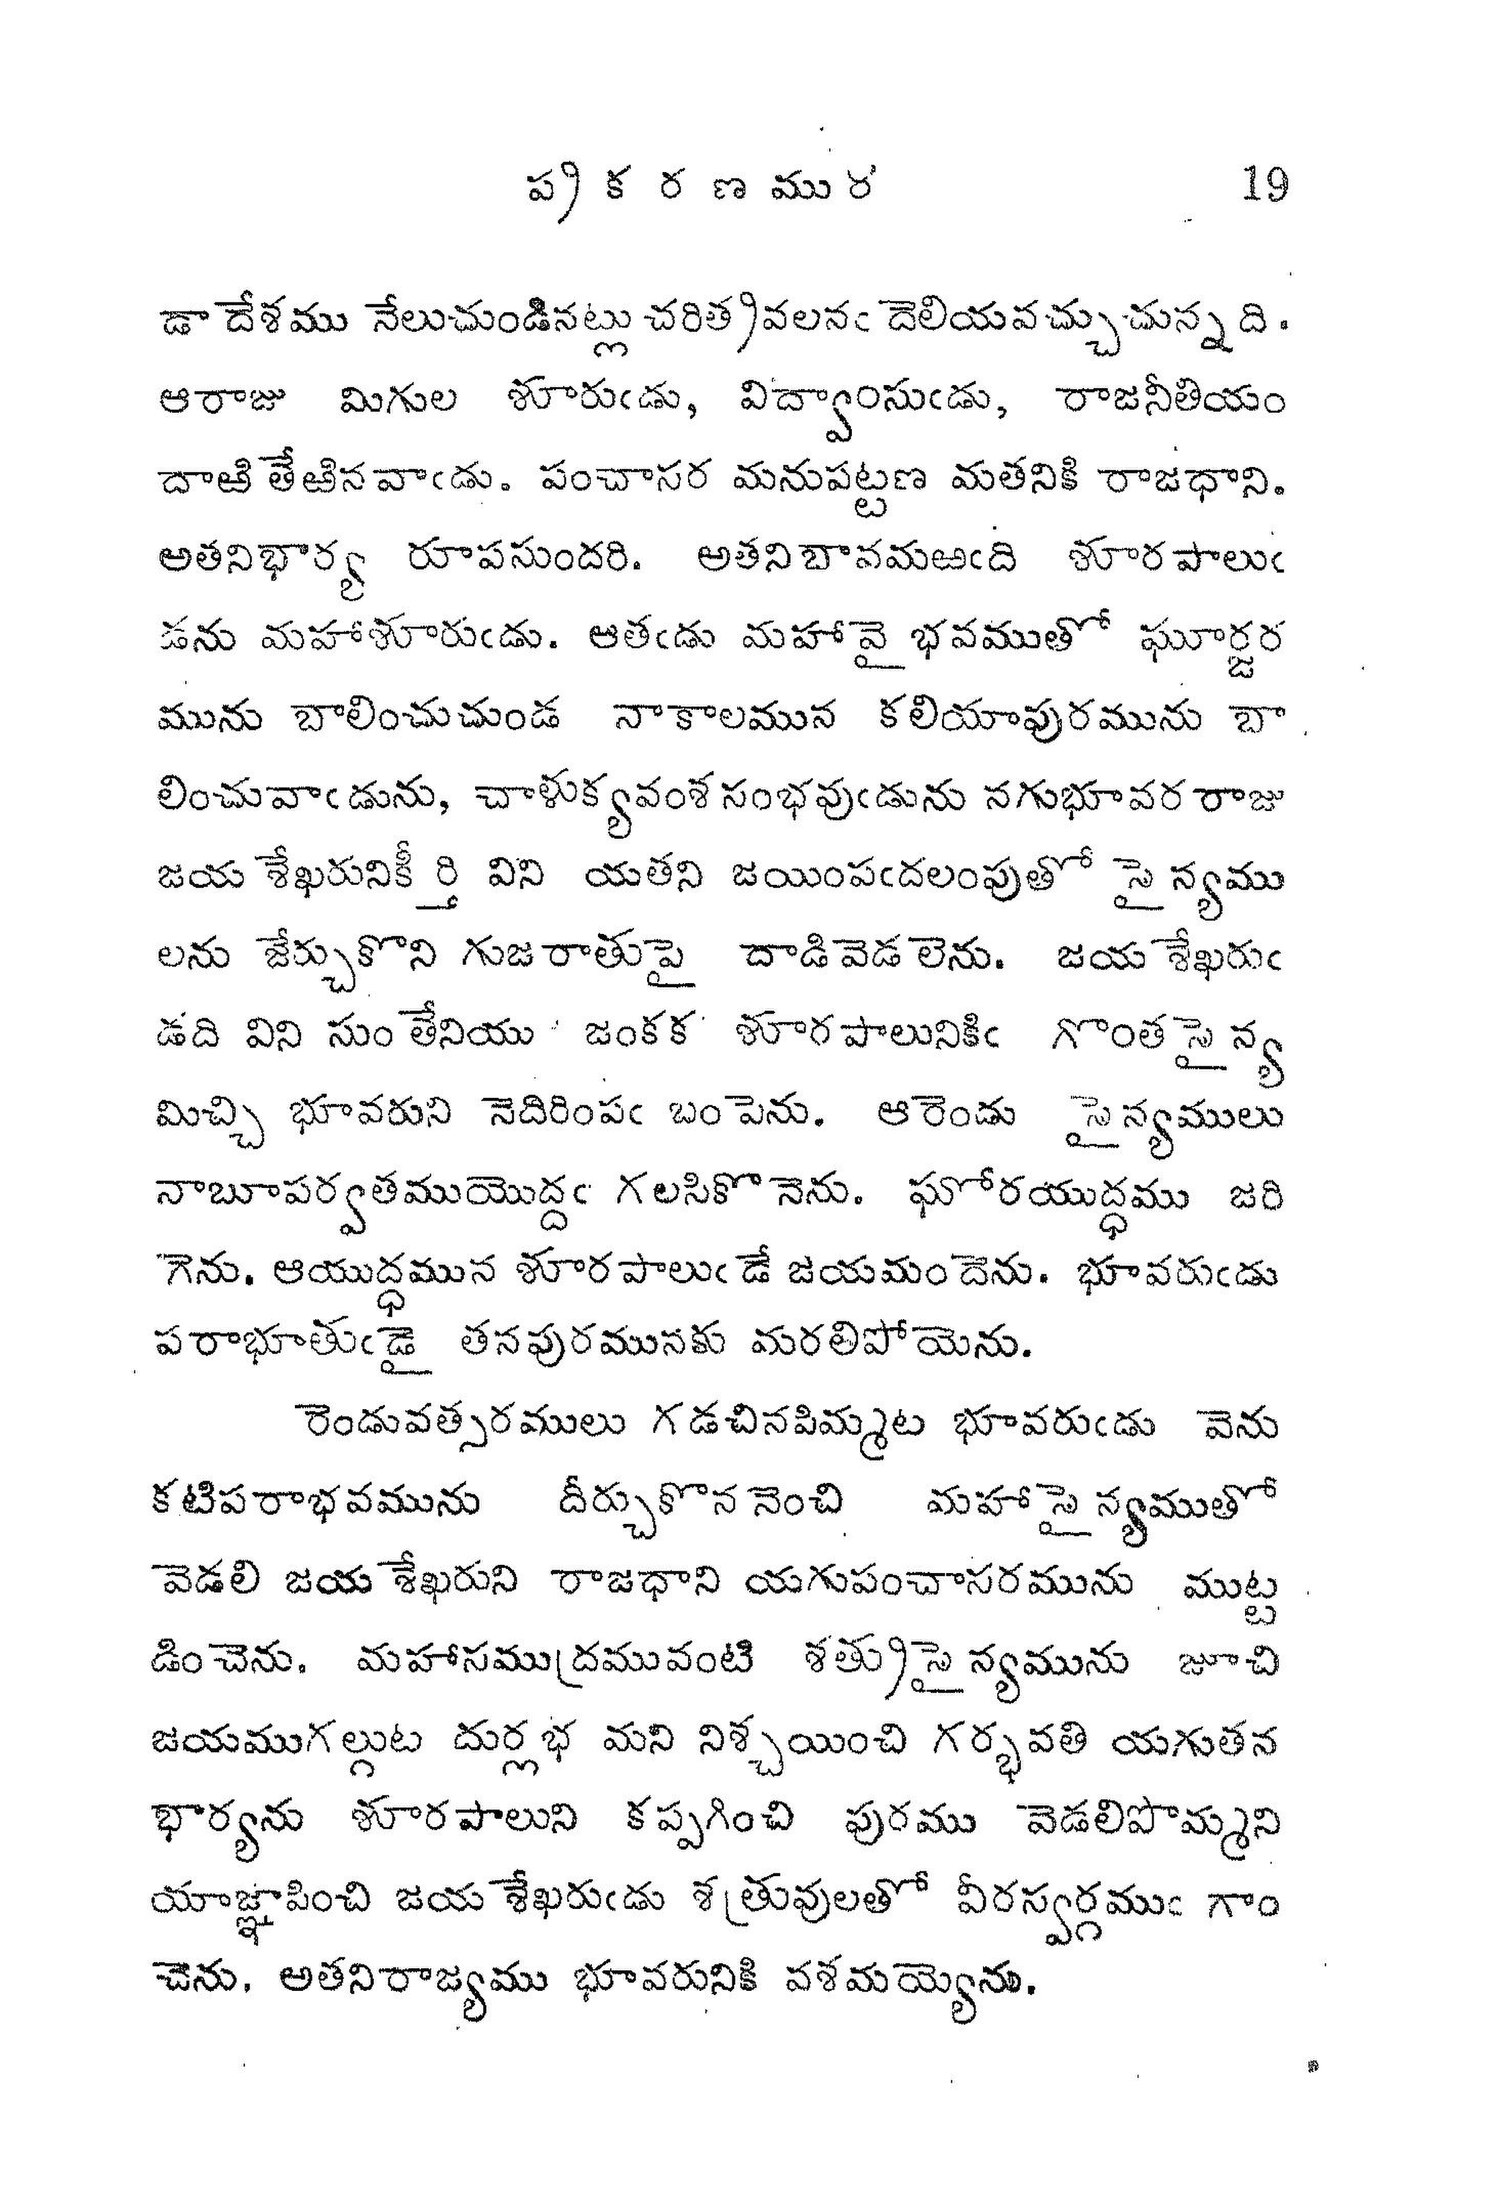డా దేశము నేలుచుండినట్లు చరిత్ర వలనఁ దెలియ వచ్చుచున్నది . ఆరాజు మిగుల శూరుఁడు, విద్వాంసుఁడు, రాజనీతియం దాఱి తేటిన వాఁడు. పంచాసర మనుపట్టణ మతనికి రాజధాని. అతని భార్య రూపసుందరి. అతని బానమఱఁది శూర పాలుఁ డును మహాశూరుఁడు. ఆతఁడు మహానై భవముతో ఘూర్జర మును బాలించుచుండ నాకాలమున కలియాపురమును బా లించువాఁడును, చాళుక్యవంశ సంభవుఁడును నగుభూవర రాజు జయ శేఖరునికీ ర్తి విని యతని జయింపఁదలంపుతో సై న్యము లను జేర్చుకొని గుజ రాతు పై దాడి వెడ లెను. జయ శేఖరుఁ డది విని సుంతేనియు ' జంకక' శూర పాలునికిఁ గొంత సైన్య మిచ్చి భూవరుని నెదిరింపఁ బంపెను. ఆ రెండు సైన్యములు నాబూ పర్వతము యొద్దఁ గలసికొ నెను. ఘోరయుద్ధము జరి ఆ యుద్ధమున శూరపాలుఁడే జయమందెను. భూవరుఁడు పరాభూతుఁడై తన పురమునకు మరలిపోయెను. రెండువత్సరములు గడచిన పిమ్మట భూవరుఁడు వెను కటి పరాభవమును దీర్చుకొన నెంచి మహా సై న్యముతో వెడలి జయ శేఖరుని రాజధాని యగుపంచాసరమును ముట్ట డిం చెను. మహాసముద్రమువంటి శత్రు సై న్యమును జూచి జయము గల్గుట దుర్లభ మని నిశ్చయించి గర్భవతి యగుతన భార్యను శూర పాలుని కప్పగించి పురము "వెడలిపొమ్మని యాజ్ఞాపించి జయ శేఖరుఁడు శత్రువులతో వీరస్వర్గముఁ గాం చెను. అతని రాజ్యము భూవరునికి వశమయ్యెను.